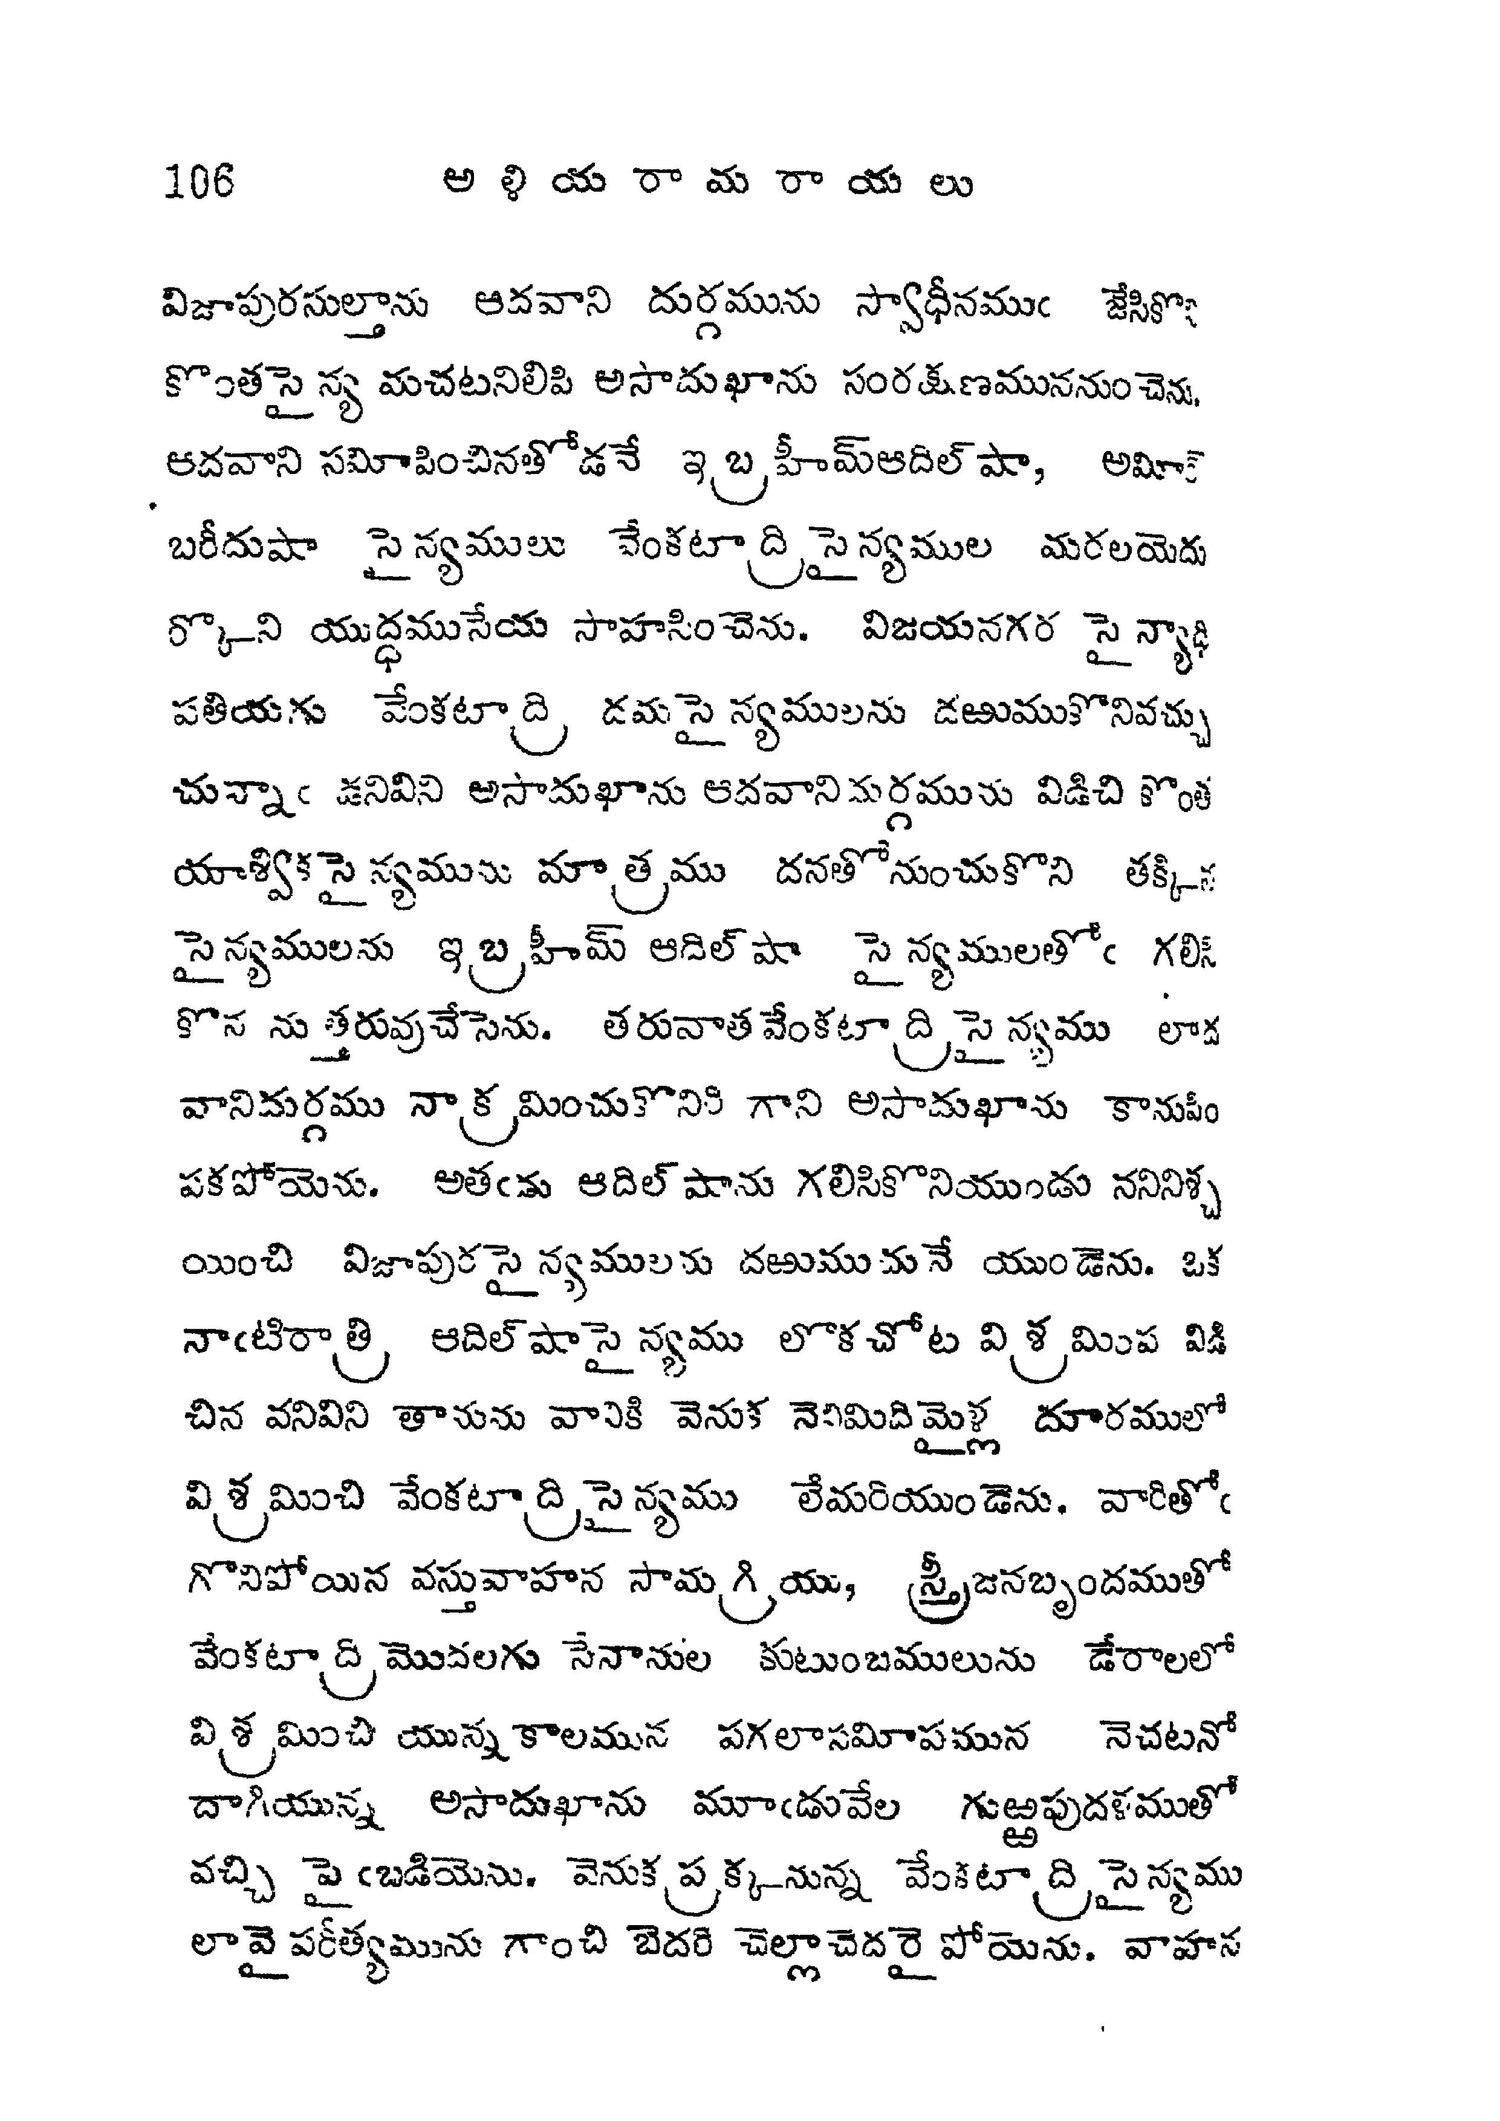విజాపురసుల్తాను ఆదవాని దుర్గమును స్వాధీనము జేసికొని కొంతసైన్య మచటనిలిపి అసాదుఖాను సంరక్షణముననుంచెను. ఆదవాని సమీపించినతోడనే ఇబ్రహీమ్‌ఆదిల్‌షా, అమీర్‌బరీదుషా సైన్యములు వేంకటాద్రిసైన్యముల మరలయెదుర్కొని యుద్ధముసేయ సాహసించెను. విజయనగర సైన్యాధిపతియగు వేంకటాద్రి దమసైన్యములను దఱుముకొనివచ్చుచున్నా డనివిని అసాదుఖాను ఆదవానిదుర్గమును విడిచి కొంత యాశ్వికసైన్యమును మాత్రము దనతోనుంచుకొని తక్కిన సైన్యములను ఇబ్రహీమ్‌ఆదిలషా సైన్యములతో గలిసికొన నుత్తరువుచేసెను. తరువాతవేంకటాద్రిసైన్యము లాదవానిదుర్గము నాక్రమించుకొనిరి గాని అసాదుఖాను కానుపింపకపోయెను. అతడు ఆదిల్‌షాను గలిసికొనియుండు ననినిశ్చయించి విజాపురసైన్యములను దఱుముచునే యుండెను. ఒకనాటిరాత్రి ఆదిల్‌షాసైన్యము లొకచోట విశ్రమింప విడిచిన వనివిని తానును వానికి వెనుక నెనిమిదిమైళ్ల దూరములో విశ్రమించి వేంకటాద్రిసైన్యము లేమరియుండెను. వారితో గొనిపోయిన వస్తువాహన సామగ్రియు, స్త్రీజనబృందముతో వేంకటాద్రిమొదలగు సేనానుల కుటుంబములును డేరాలలో విశ్రమించి యున్నకాలమున పగలాసమీపమున నెచటనో దాగియున్న అసాదుఖాను మూడువేల గుఱ్ఱపుదళముతో వచ్చి పై బడియెను. వెనుకప్రక్కనున్న వేంకటాద్రిసైన్యము లావైపరీత్యమును గాంచి బెదరి చెల్లాచెదరై పోయెను. వాహన